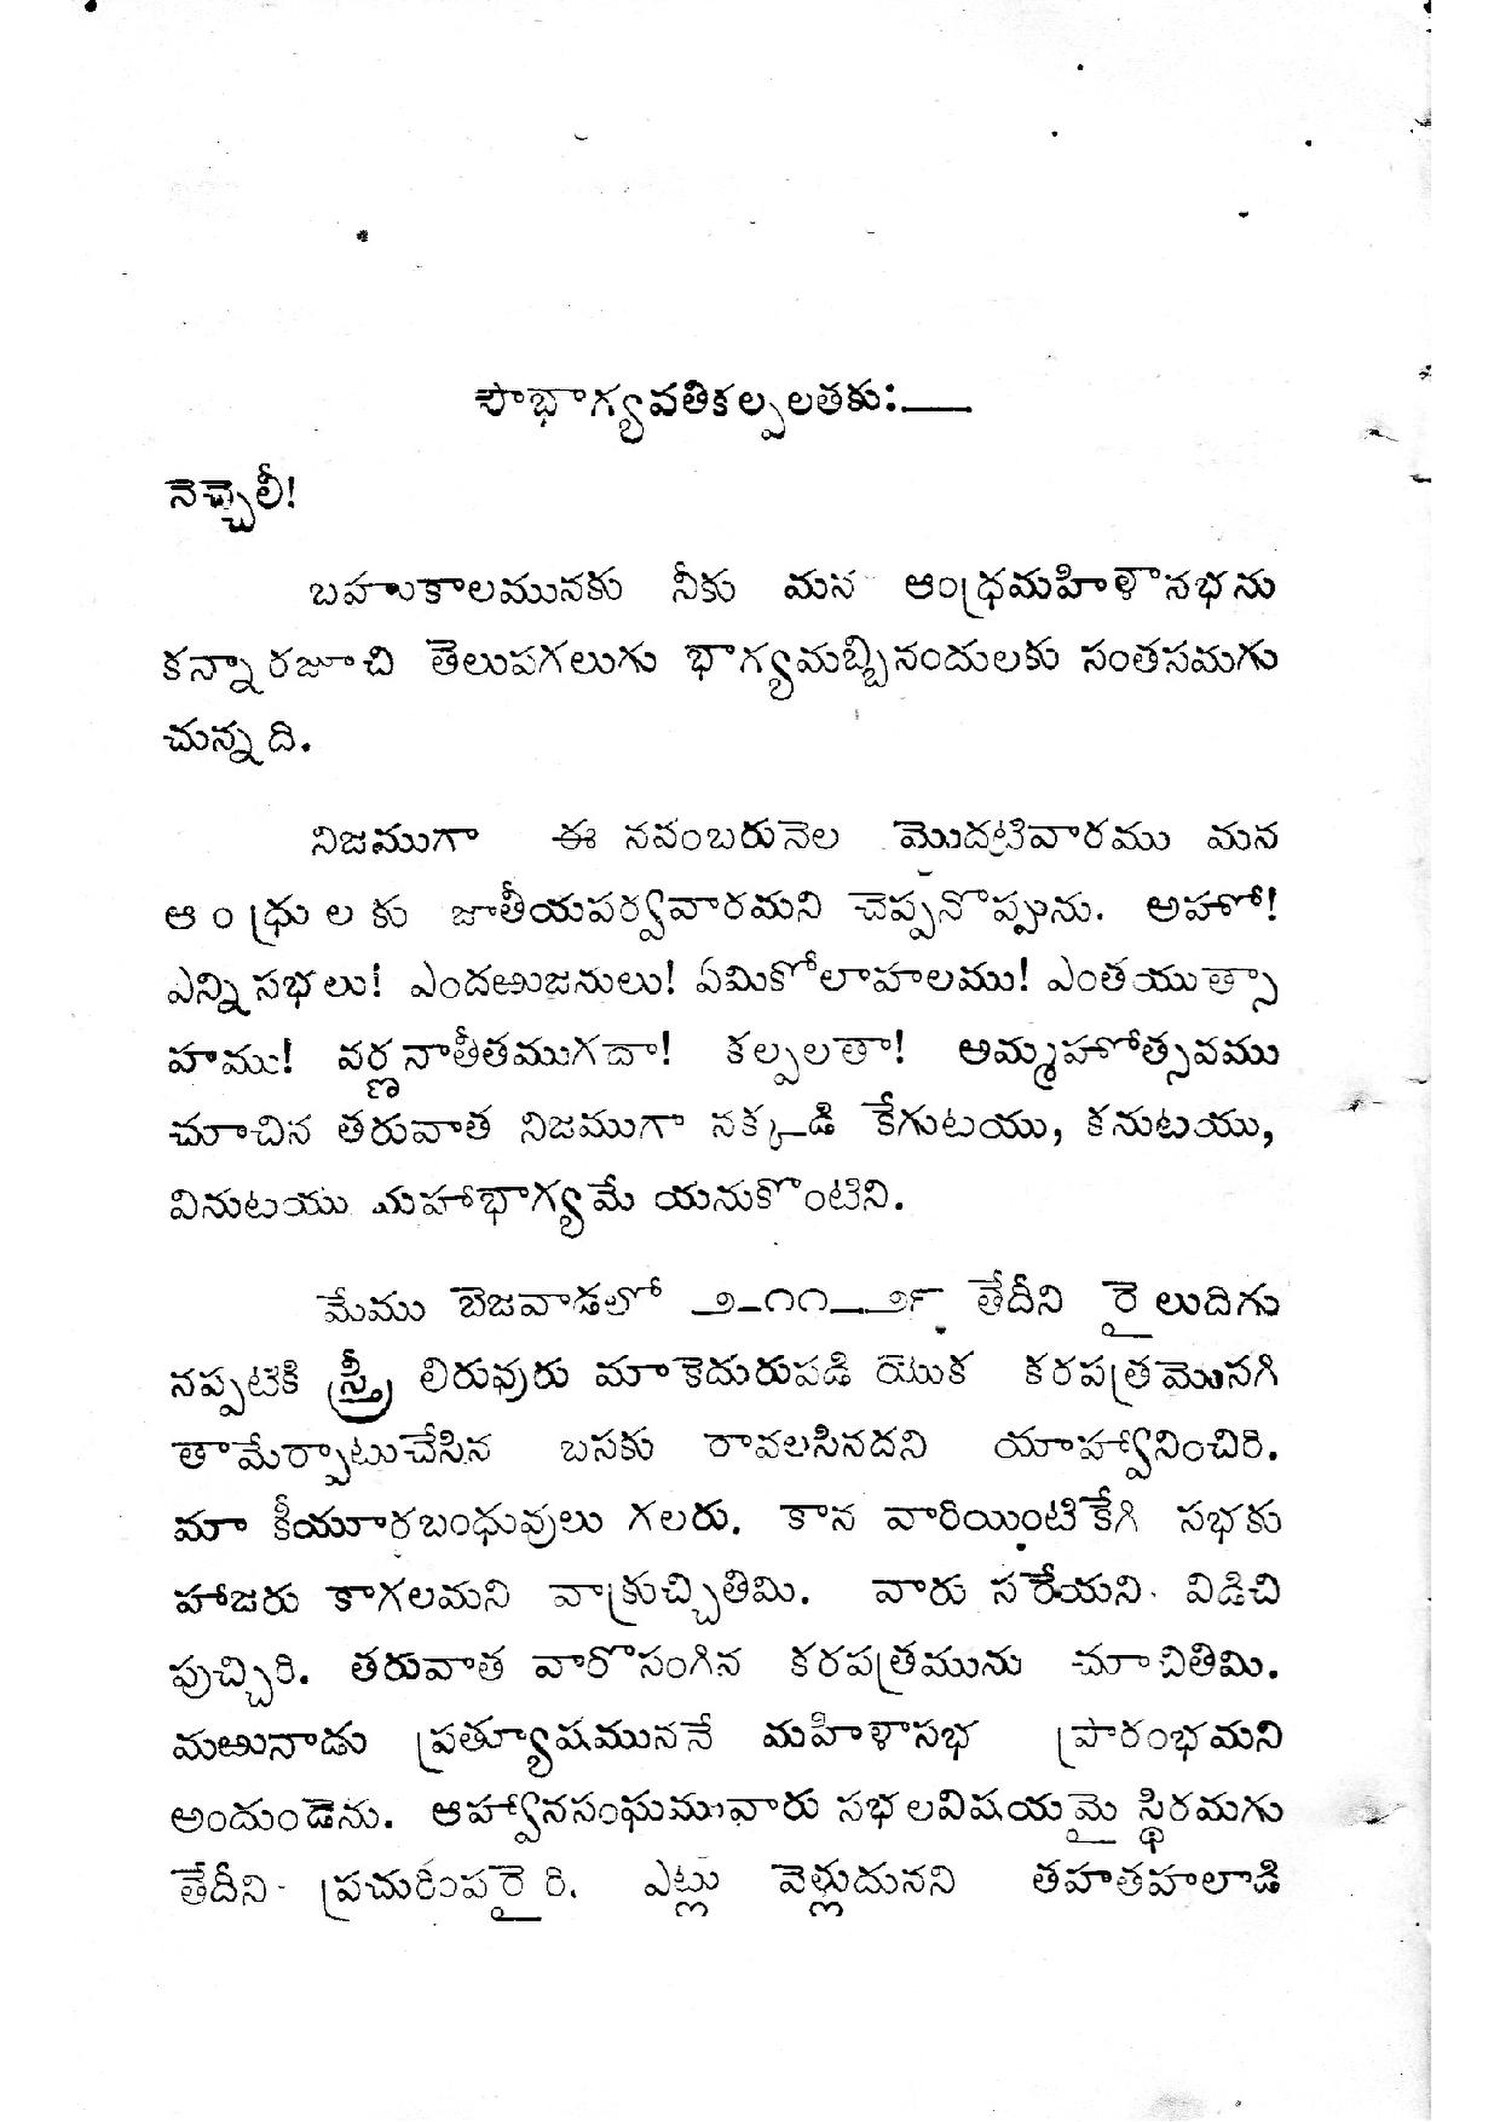నెచ్చెలీ!

బహుకాలమునకు నీకు మన ఆంధ్రమహిళాసభను కన్నారజూచి తెలుపగలుగు భాగ్యమబ్బినందులకు సంతసమగుచున్నది.

నిజముగా ఈ నవంబరునెల మొదటివారము మన ఆంధ్రులకు జాతీయపర్వవారమని చెప్పనొప్పును. అహో!
ఎన్నిసభలు! ఎందఱుజనులు! ఏమికోలాహలము! ఎంతయుత్సాహము! వర్ణనాతీతముగదా! కల్పలతా! అమ్మహోత్సవము చూచిన తరువాత నిజముగా నక్కడి కేగుటయు, కనుటయు, వినుటయు మహాభాగ్యమే యనుకొంటిని.

మేము బెజవాడలో 2 - 11 - 29. తేదీని రైలుదిగునప్పటికి స్త్రీ లిరువురు మాకెదురుపడి యొక కరపత్రమొసగి తామేర్పాటుచేసిన బసకు రావలసినదని యాహ్వానించిరి. మా కీయూరబంధువులు గలరు. కాన వారియింటికేగి సభకు హాజరు కాగలమని వాక్రుచ్చితిమి. వారు సరేయని విడిచి పుచ్చిరి. తరువాత వారొసంగిన కరపత్రమును చూచితిమి. మఱునాడు ప్రత్యూషముననే మహిళాసభ ప్రారంభమని
అందుండెను. ఆహ్వానసంఘమువారు సభలవిషయమై స్థిరమగు తేదీని ప్రచురింపరైరి. ఎట్లు వెళ్లుదునని తహతహలాడి